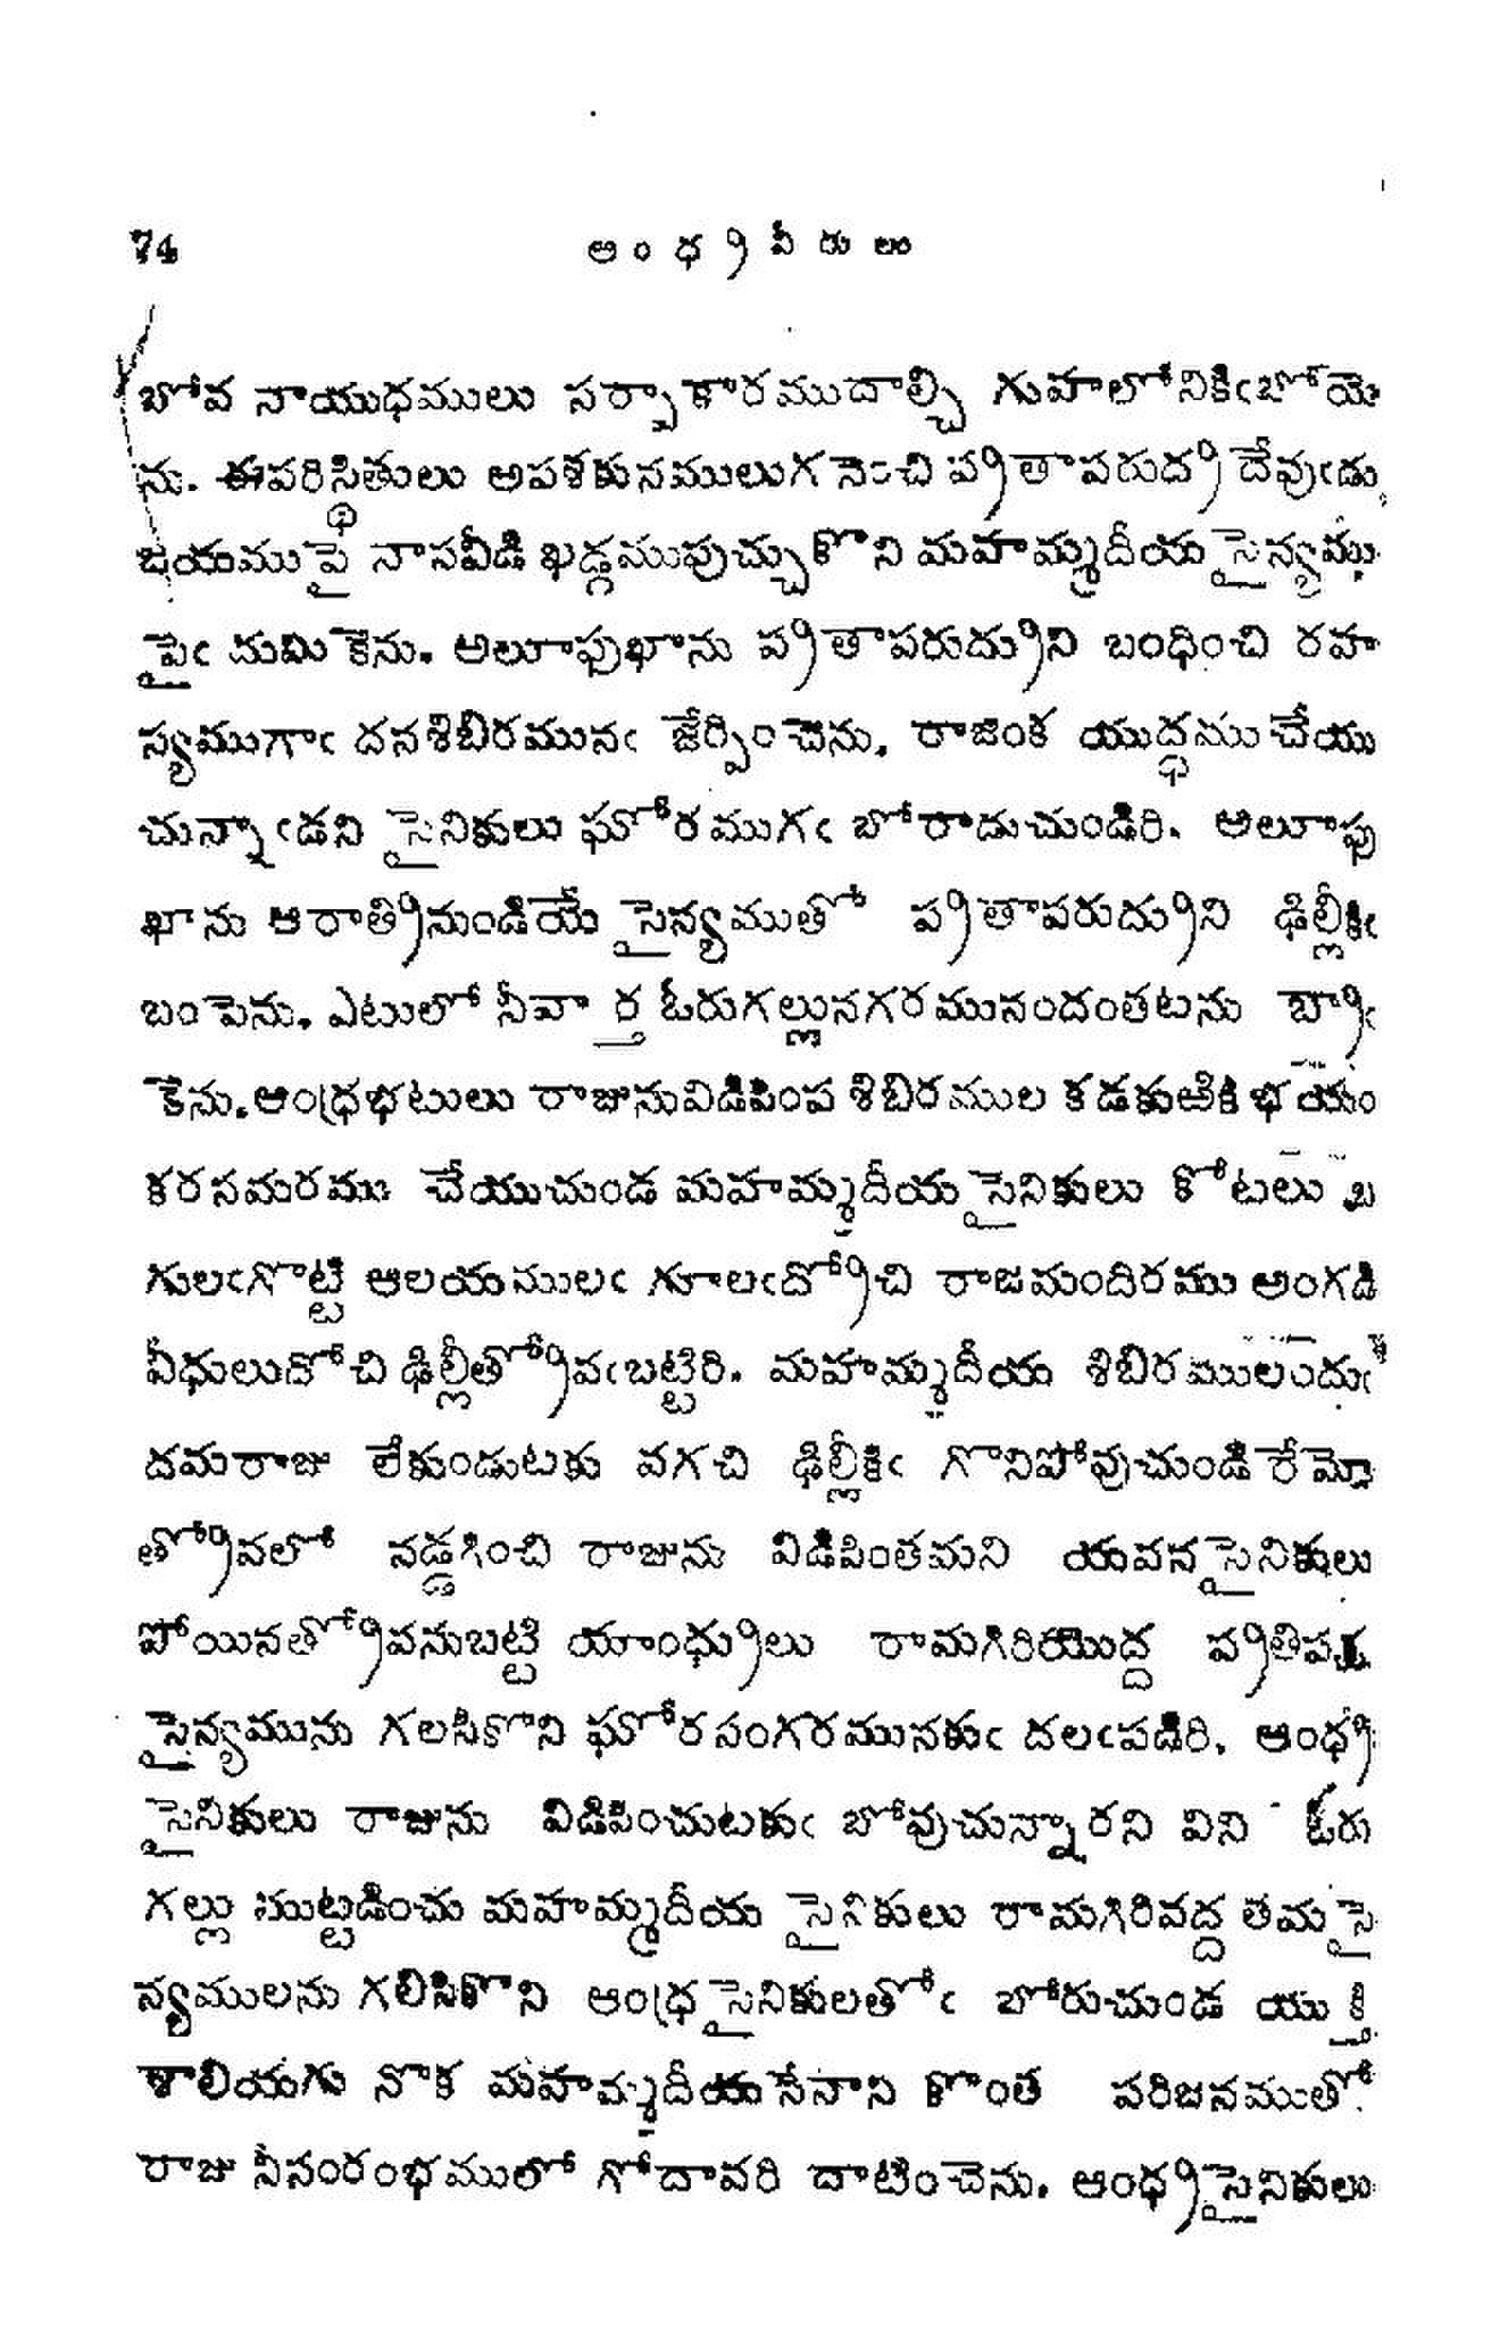బోవ నాయుధములు సర్పాకారముదాల్చి గుహలోనికి బోయెను. ఈపరిస్థితులు అపశకునములుగ నెంచి ప్రతాపరుద్రదేవుడు జయముపై నాసవీడి ఖడ్గముపుచ్చుకొని మహమ్మదీయ సైన్యముపై దుమికెను. అలూపుఖాను ప్రతాపరుద్రుని బంధించి రహస్యముగా దనశిబిరమున జేర్పించెను. రాజింక యుద్ధము చేయుచున్నాడని సైనికులు ఘోరముగ బోరాడుచుండిరి. అలూపుఖాను ఆరాత్రినుండియే సైన్యముతో ప్రతాపరుద్రుని డిల్లీకిబంపెను. ఎటులో నీవర్త ఓరుగల్లు నగరమునందంతటను బ్రాకెను. ఆంధ్రభటులు రాజునువిడిపింప శిబిరముల కడకుఱికి భయంకరసమరము చేయుచుండ మహమ్మదీయ సైనికులు కోటలు బగులగొట్టి ఆలయముల గూలద్రోచి రాజమందిరము అంగడి వీధులుదోచి డిల్లీత్రోవబట్టిరి. మహమ్మదీయ శిబిరములందు దమరాజు లేకుండుటకు వగచి డిల్లీకి గొనిపోవుచుండిరేమో త్రోవలో నడ్డగించి రాజును విడిపింతమని యవనసైనికులు పోయిన త్రోవనుబట్టి యాంధ్రులు రామగిరియొద్ద ప్రతిపక్షసైన్యమును గలసికొని ఘోరసంగరమునకు దలపడిరి. ఆంధ్రసైనికులు రాజును విడిపించుటకు భొవుచున్నారని విని ఓరుగల్లు ముట్టడించు మహమ్మదీయ సైనికులు రామగిరివద్ద తమసైన్యములను గలిసికొని ఆంధ్రసైనికులతో బోరుచుండ యుక్తిశాలియగు నొక మహమ్మదీయసేనాని కొంత పరిజనముతో రాజు నీసంరంభములో గోదావరి దాటించెను. ఆంధ్రసైనికులు